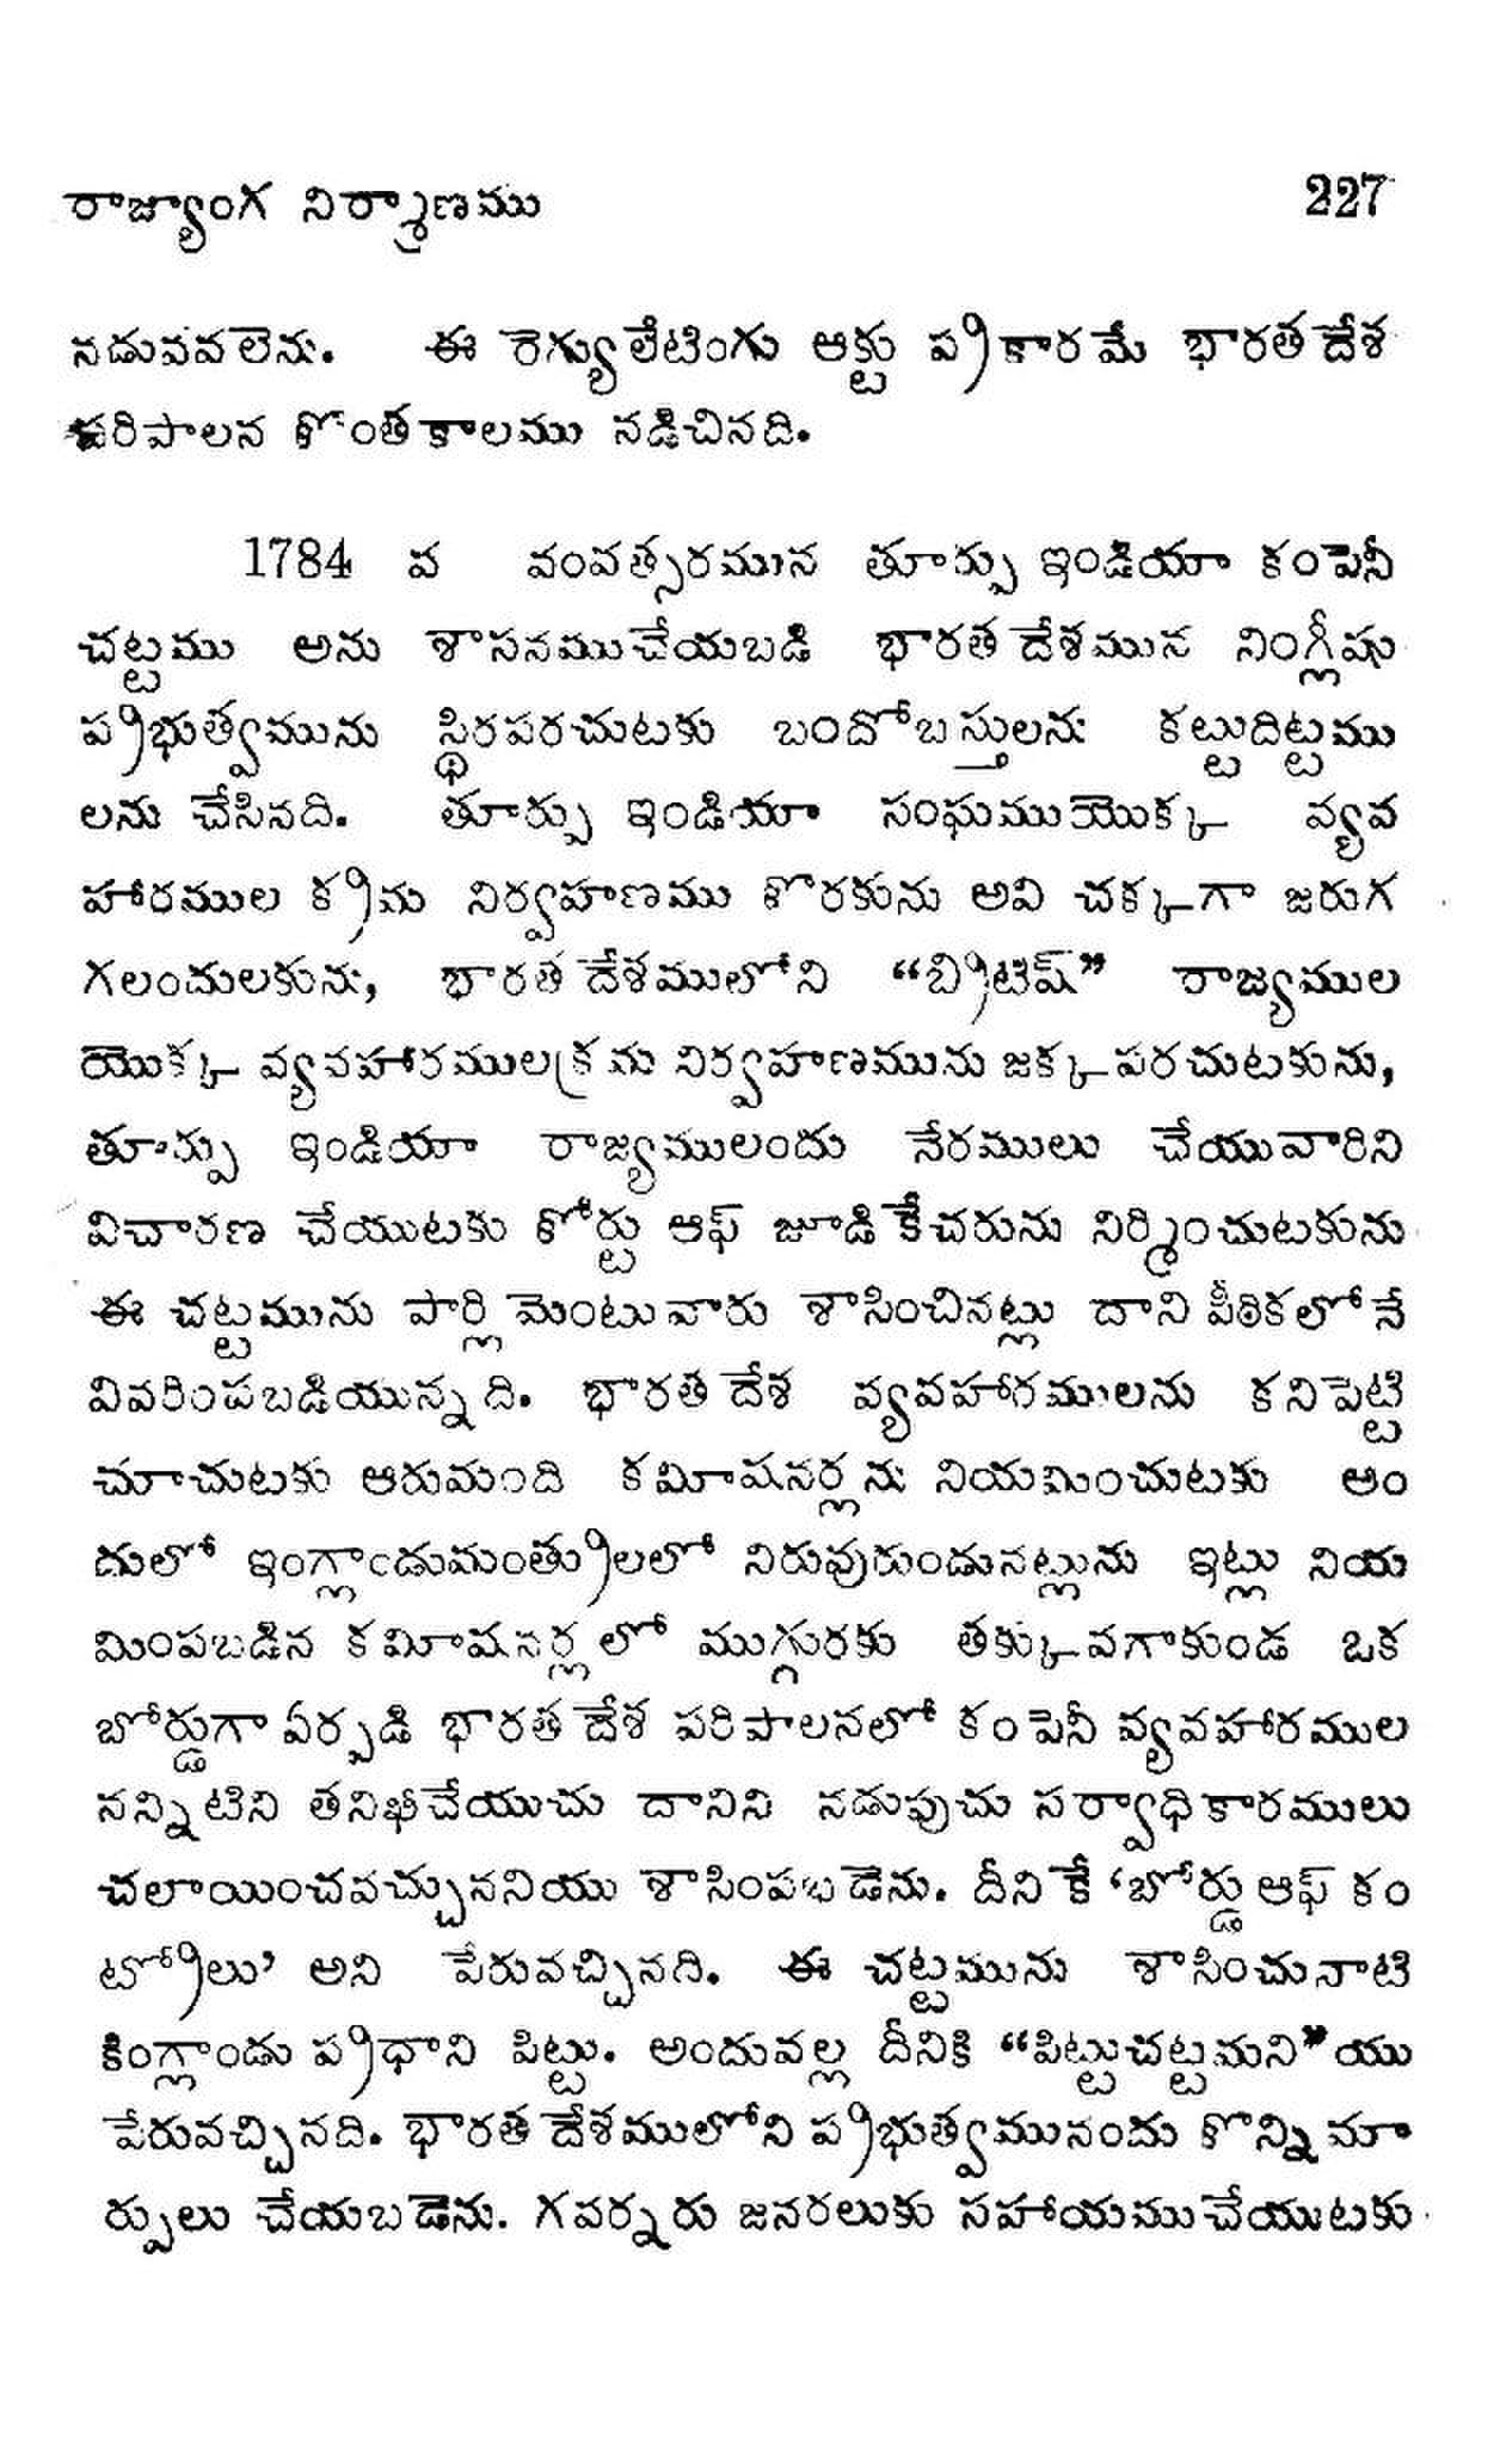నడువవలెను. ఈ రెగ్యులేటింగు ఆక్టు ప్రకారమే భారతదేశ పరిపాలన కొంతకాలము నడిచినది.

1784 వ వంవత్సరమున తూర్పు ఇండియా కంపెనీ చట్టము అను శాసనముచేయబడి భారతదేశమున నింగ్లీషు ప్రభుత్వమును స్థిరపరచుటకు బందోబస్తులను కట్టుదిట్టములను చేసినది. తూర్పు ఇండియా సంఘముయొక్క వ్యవహారముల క్రమ నిర్వహణము కొరకును అవి చక్కగా జరుగ గలందులకును, భారతదేశములోని "బిటిష్" రాజ్యములయొక్క వ్యవహారములక్రమ నిర్వహణమును జక్కపరచుటకును, తూర్పు ఇండియా రాజ్యములందు నేరములు చేయువారిని విచారణ చేయుటకు కోర్టు ఆఫ్ జూడికేచరును నిర్మించుటకును ఈ చట్టమును పార్లిమెంటువారు శాసించినట్లు దాని పీఠికలోనే వివరింపబడియున్నది. భారతదేశ వ్యవహారములను కనిపెట్టి చూచుటకు ఆరుమంది కమిషనర్లను నియమించుటకు అందులో ఇంగ్లాండుమంత్రులలో నిరువురుండునట్లును ఇట్లు నియమింపబడిన కమిషనర్లలో ముగ్గురకు తక్కువగాకుండ ఒక బోర్డుగా ఏర్పడి భారతదేశ పరిపాలనలో కంపెనీ వ్యవహారముల నన్నిటిని తనిఖీచేయుచు దానిని నడుపుచు సర్వాధికారములు చలాయించవచ్చుననియు శాసింపబడెను. దీనికే 'బోర్డు ఆఫ్ కంట్రోలు' అని పేరువచ్చినది. ఈ చట్టమును శాసించునాటి కింగ్లాండు ప్రధాని పిట్టు. అందువల్ల దీనికి “పిట్టుచట్టమని"యు పేరువచ్చినది. భారతదేశములోని ప్రభుత్వమునందు కొన్నిమార్పులు చేయబడెను. గవర్నరు జనరలుకు సహాయము చేయుటకు